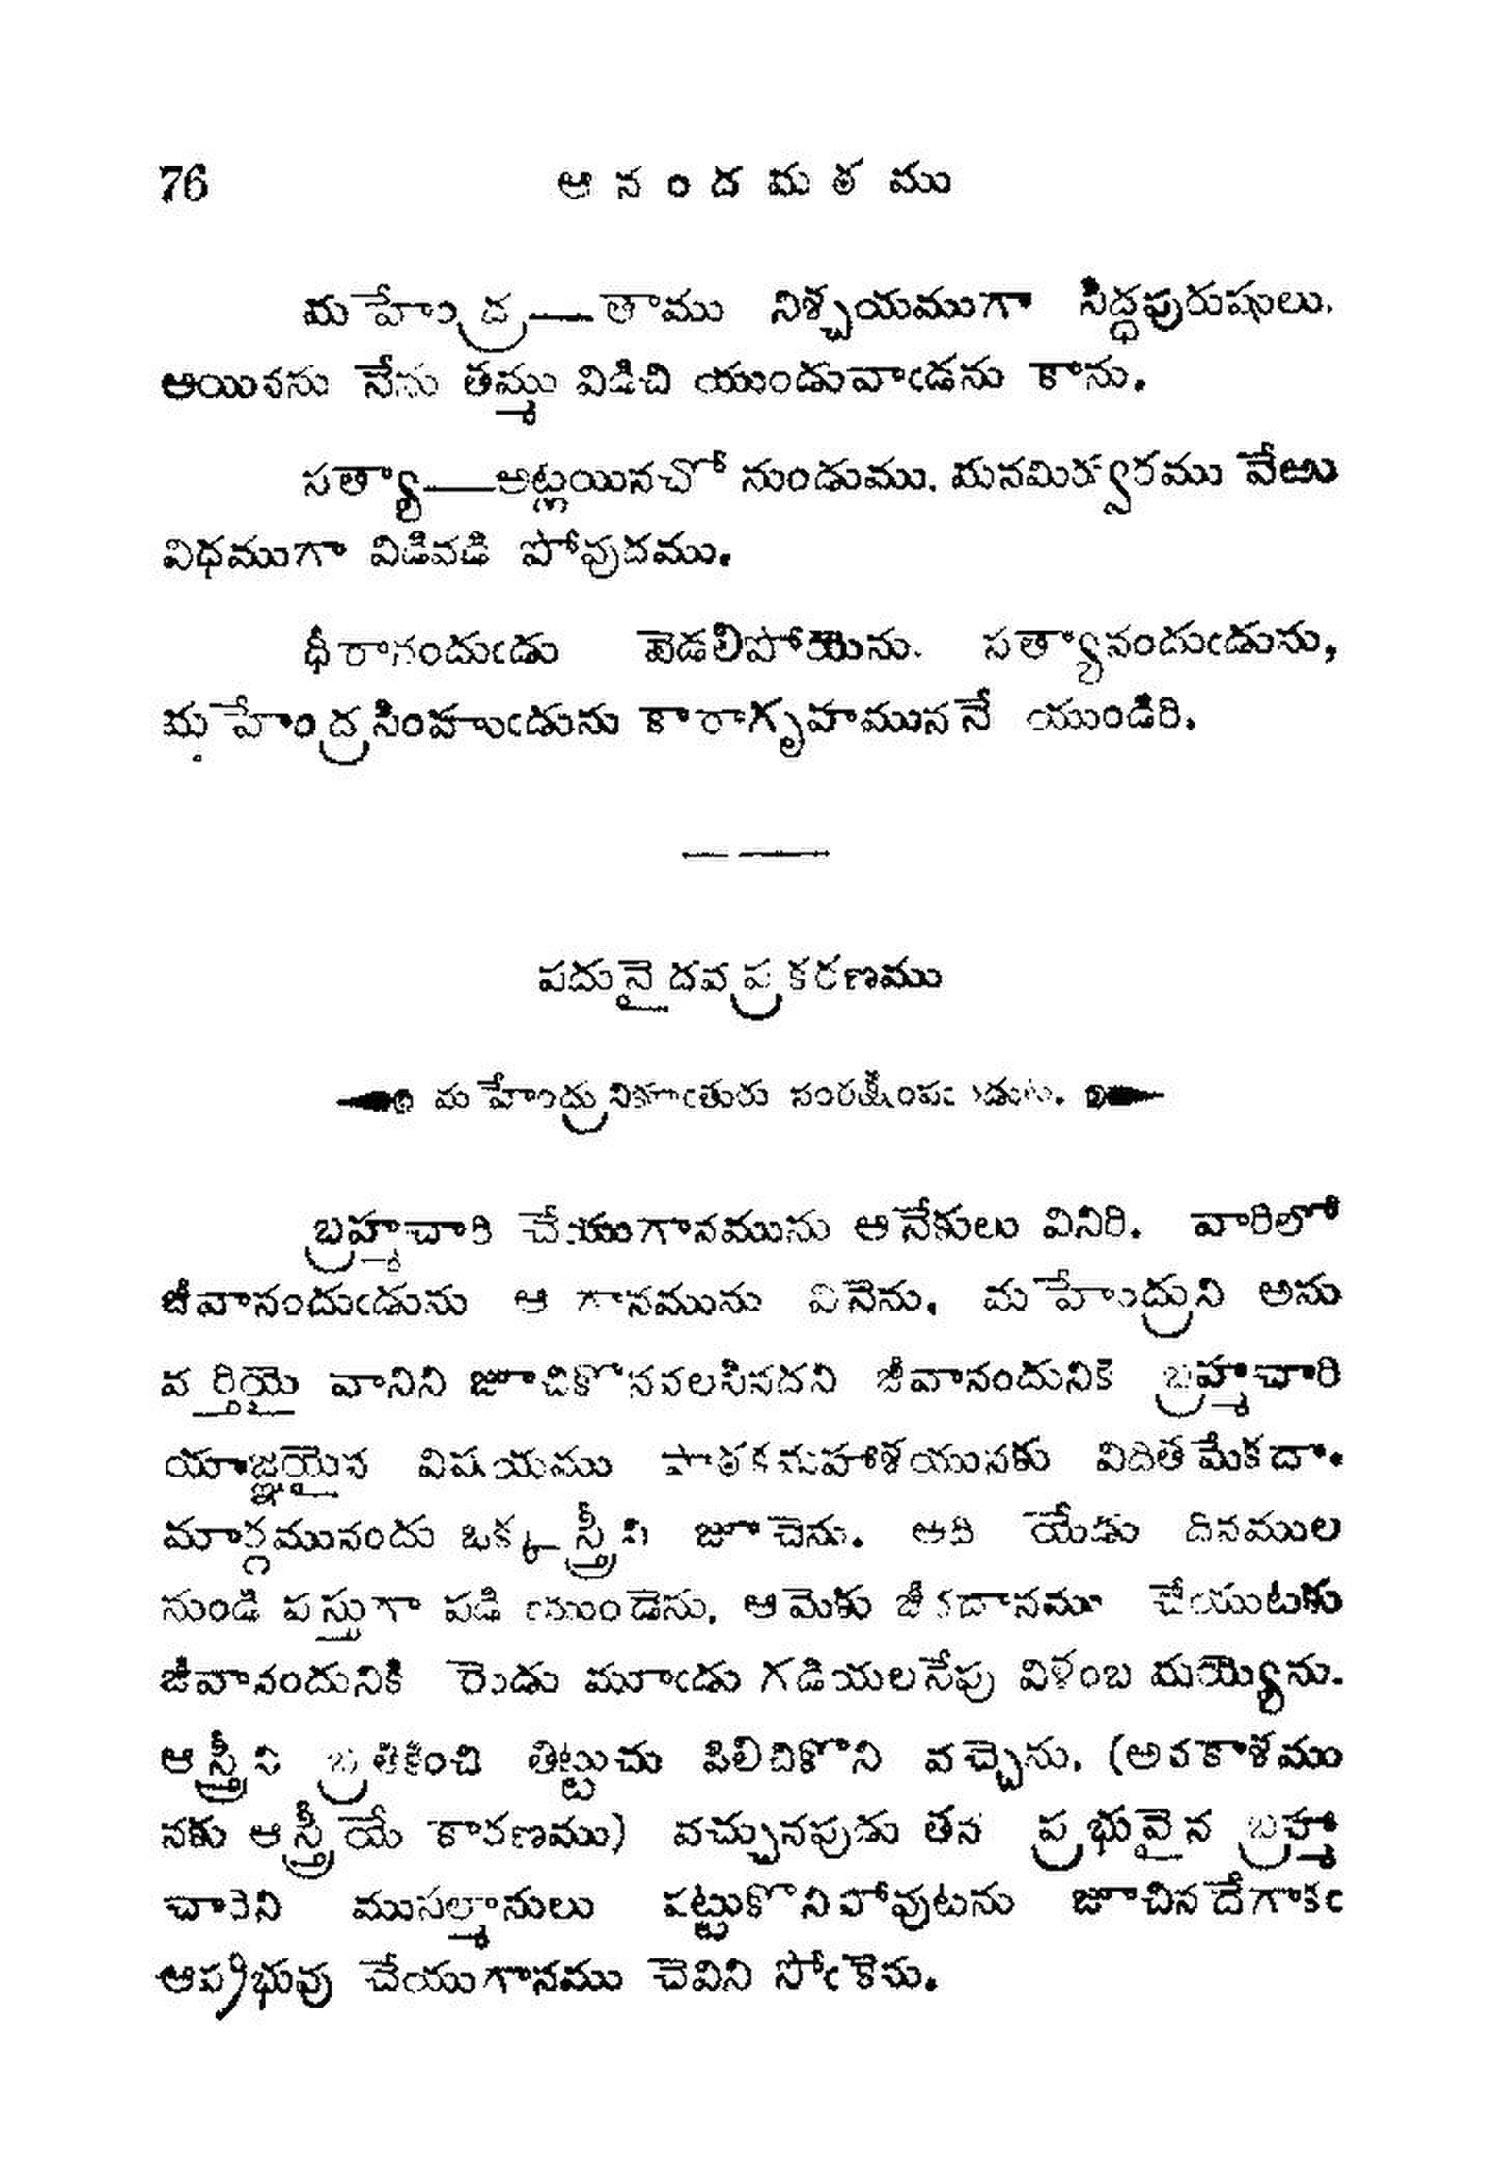మహేంద్ర——తాము నిశ్చయముగా సిద్ధపురుషులు, అయినను నేను తమ్ము విడిచి యుండువాఁడను కాను.

సత్యా——అట్లయినచో నుండుము, మనమిర్వురము వేఱు విధముగా విడివడి పోవుదము.

ధీరానందుఁడు వెడలిపోయెను. సత్యానందుఁడును, మహేంద్ర సింహుఁడును కారాగృహముననే యుండిరి.

పదునైదవ ప్రకరణము

మహేంద్రునికూఁతురు సంరక్షింపబడుట.

బ్రహచారి చేయుగానమును అనేకులు వినిరి. వారిలో జీవానందుఁడును ఆ గానమును వినెను. మహేంద్రుని అనువర్తియై వానిని జూచికొనవలసినదని జీవానందునికి బ్రహ్మచారి యాజ్ఞయైన విషయము పాఠకమహాశయునకు విదితమేకదా! మార్గమునందు ఒక్క స్త్రీని జూచెను. అది యేడు దినముల నుండి పస్తుగా పడి యుండెను, ఆమెకు జీ దానము చేయుటకు జీవానందునికి రెండు మూడు గడియలసేపు విళంబ మయ్యెను. ఆస్త్రీని బ్రతికించి తిట్టుచు పిలిచికొని వచ్చెను. (అవకాశమునకు ఆస్త్రీ యే కారణము) వచ్చునపుడు తన ప్రభువైన బ్రహ్మచారిని ముసల్తానులు పట్టుకొనిపోవుటను జూచినదేగాకఁ ఆప్రభువు చేయు గానము చెవిని సోఁకెను.